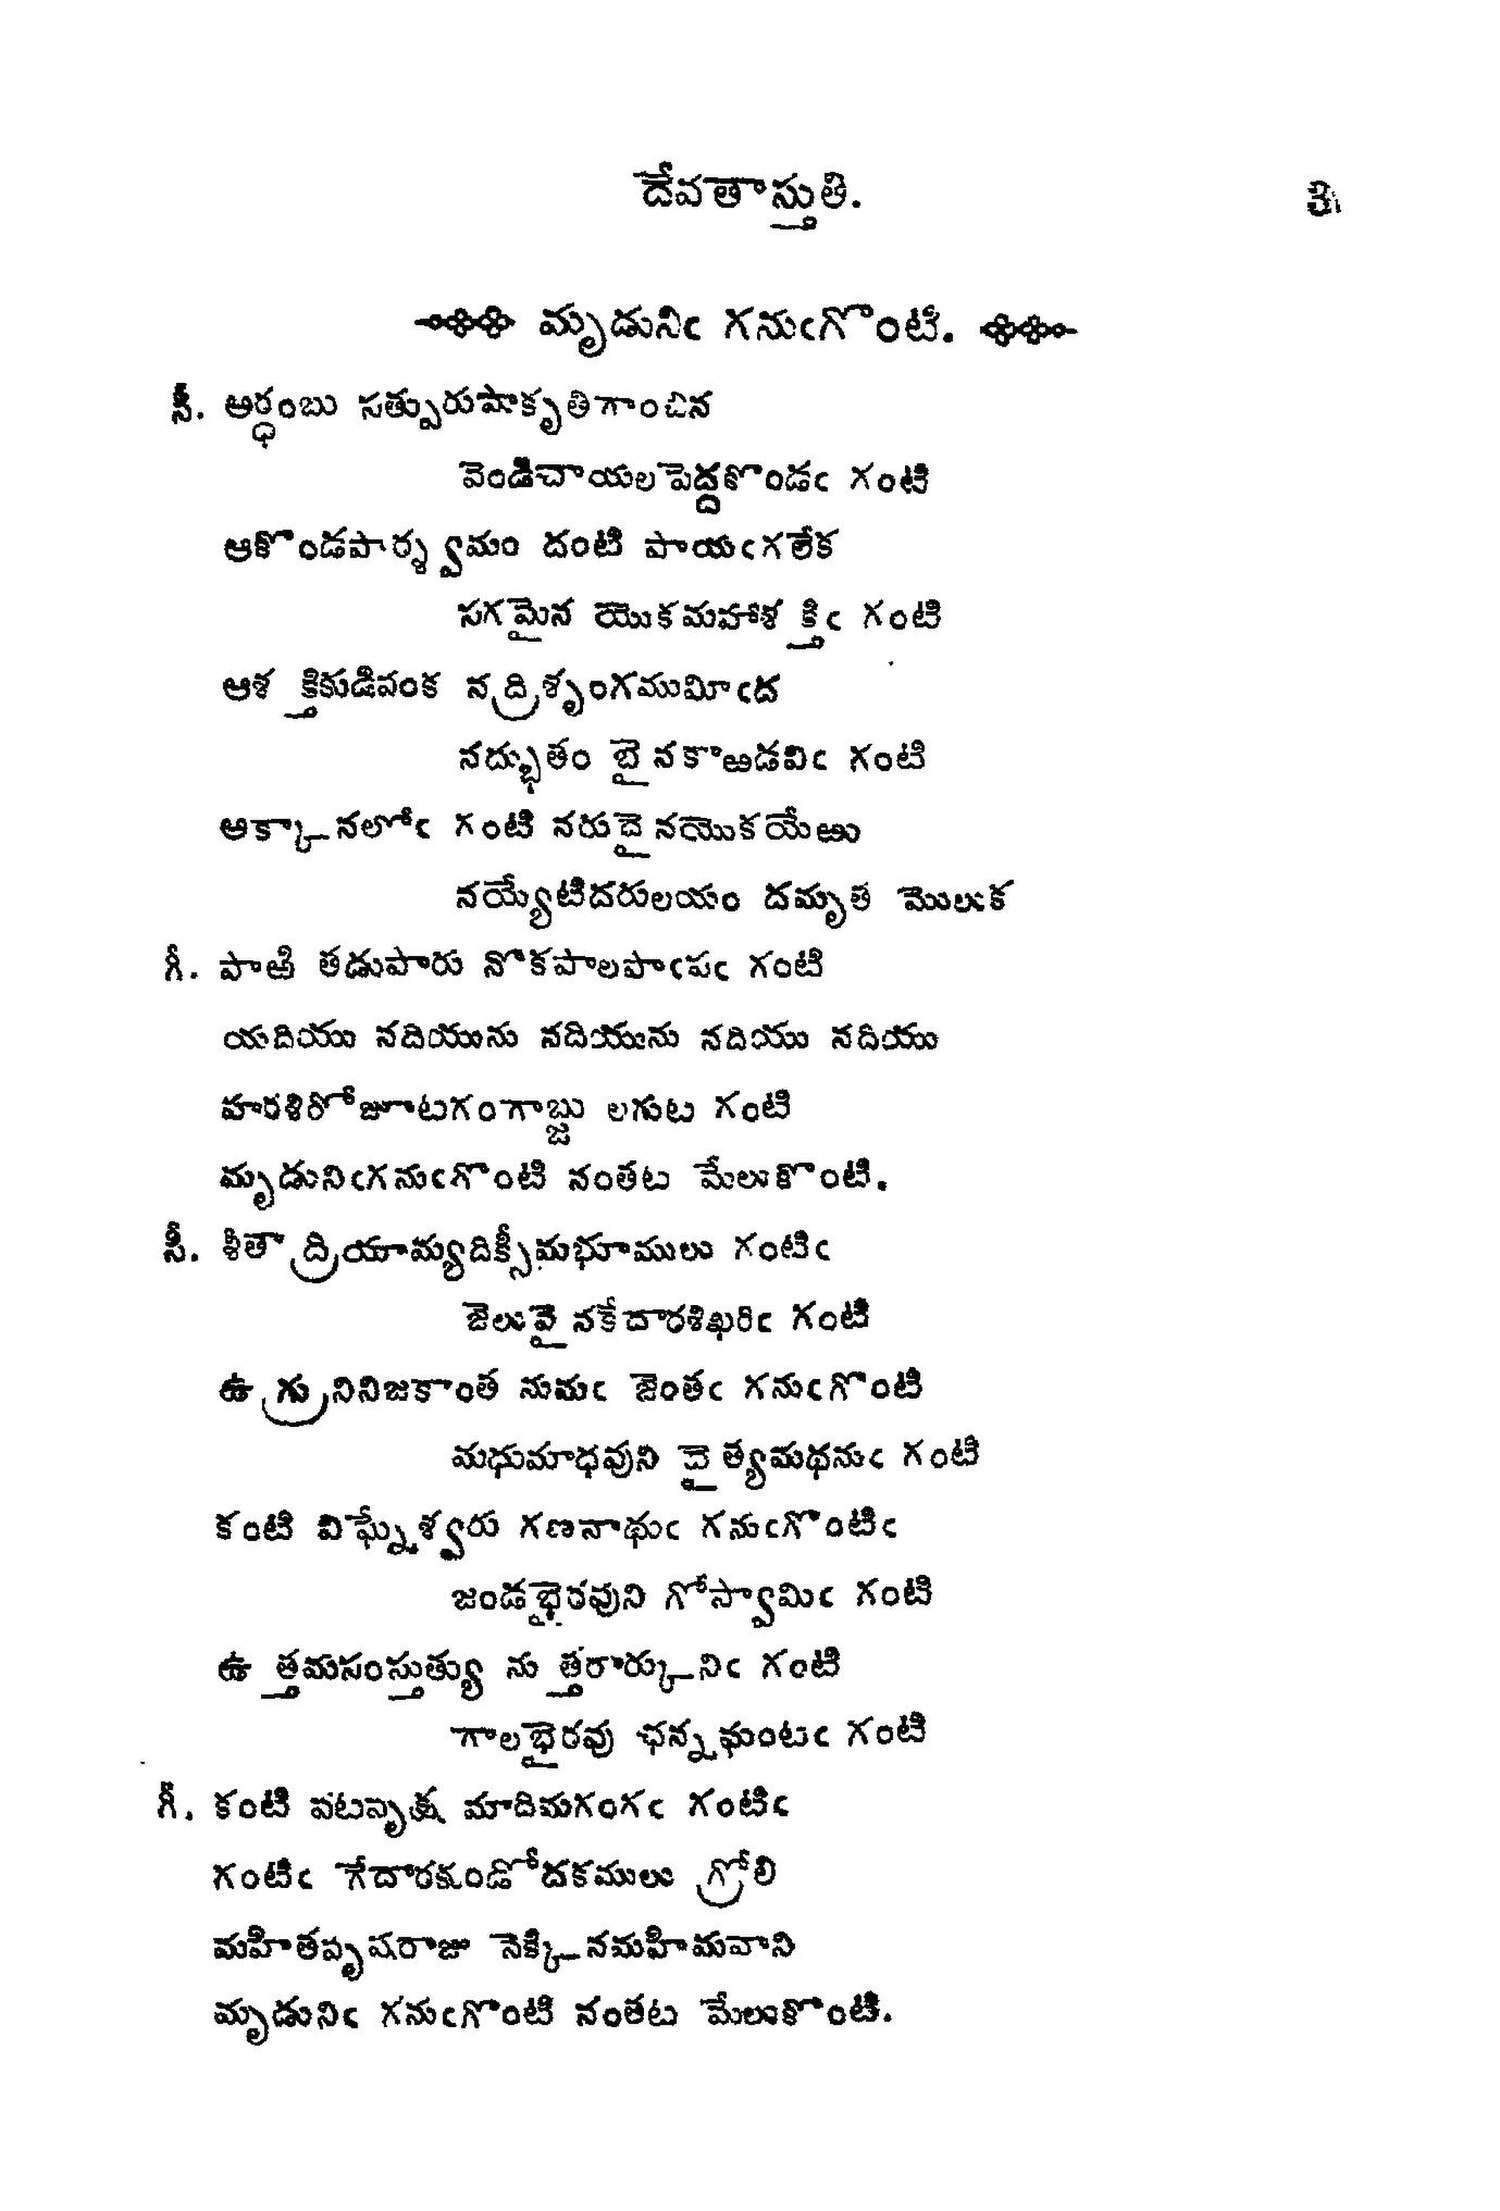సీ. అర్థంబు సత్పురుషాకృతిగాంచిన
 వెండిచాయల పెద్దకొండఁ గంటి
 ఆకొండపార్శ్వమం దంటి పాయఁగలేక
 సగమైన యొకమహాశక్తిఁ గంటి
 ఆశక్తికుడివంక నద్రిశృంగముమీఁద
 నద్భుతం బైనకాఱడవిఁ గంటి
 అక్కానలోఁ గంటి నరుదైన యొకయేఱు
 నయ్యేటిదరులయం దమృత మొలుక
గీ. పాఱి తడుపారు నొకపాలపాఁపఁ గంటి
 యదియు నదియును నదియును నదియు నదియు
 హరిశిరోజూటగంగాబ్జు లగుట గంటి
 మృడునిఁ గనుఁగొంటి నంతట మేలుకొంటి.
సీ. సీతాద్రియామ్యదిక్సీమభూములు గంటిఁ
 జెలువైన కేదారశిఖరిఁ గంటి
 ఉగ్రుని నిజకాంత నుమఁ జెంతఁ గనుఁగొంటి
 మధుమాధవుని దైత్యమథనుఁ గంటి
 కంటి విఘ్నేశ్వరు గణనాథుఁ గనుఁగొంటిఁ
 జండభైరవుని గోస్వామిఁ గంటి
 ఉత్తమసంస్తుత్యు నుత్తరార్కునిఁ గంటి
 గాలభైరవు ఛన్నఘంటఁ గంటి
గీ. కంటి వటవృక్ష మాదిమగంగఁ గంటిఁ
 గంటిఁ గేదారకుండోదకములు గ్రోలి
 మహితవృషరాజు నెక్కినమహిమవాని
 మృడునిఁ గనుఁగొంటి నంతట మేలుకొంటి.